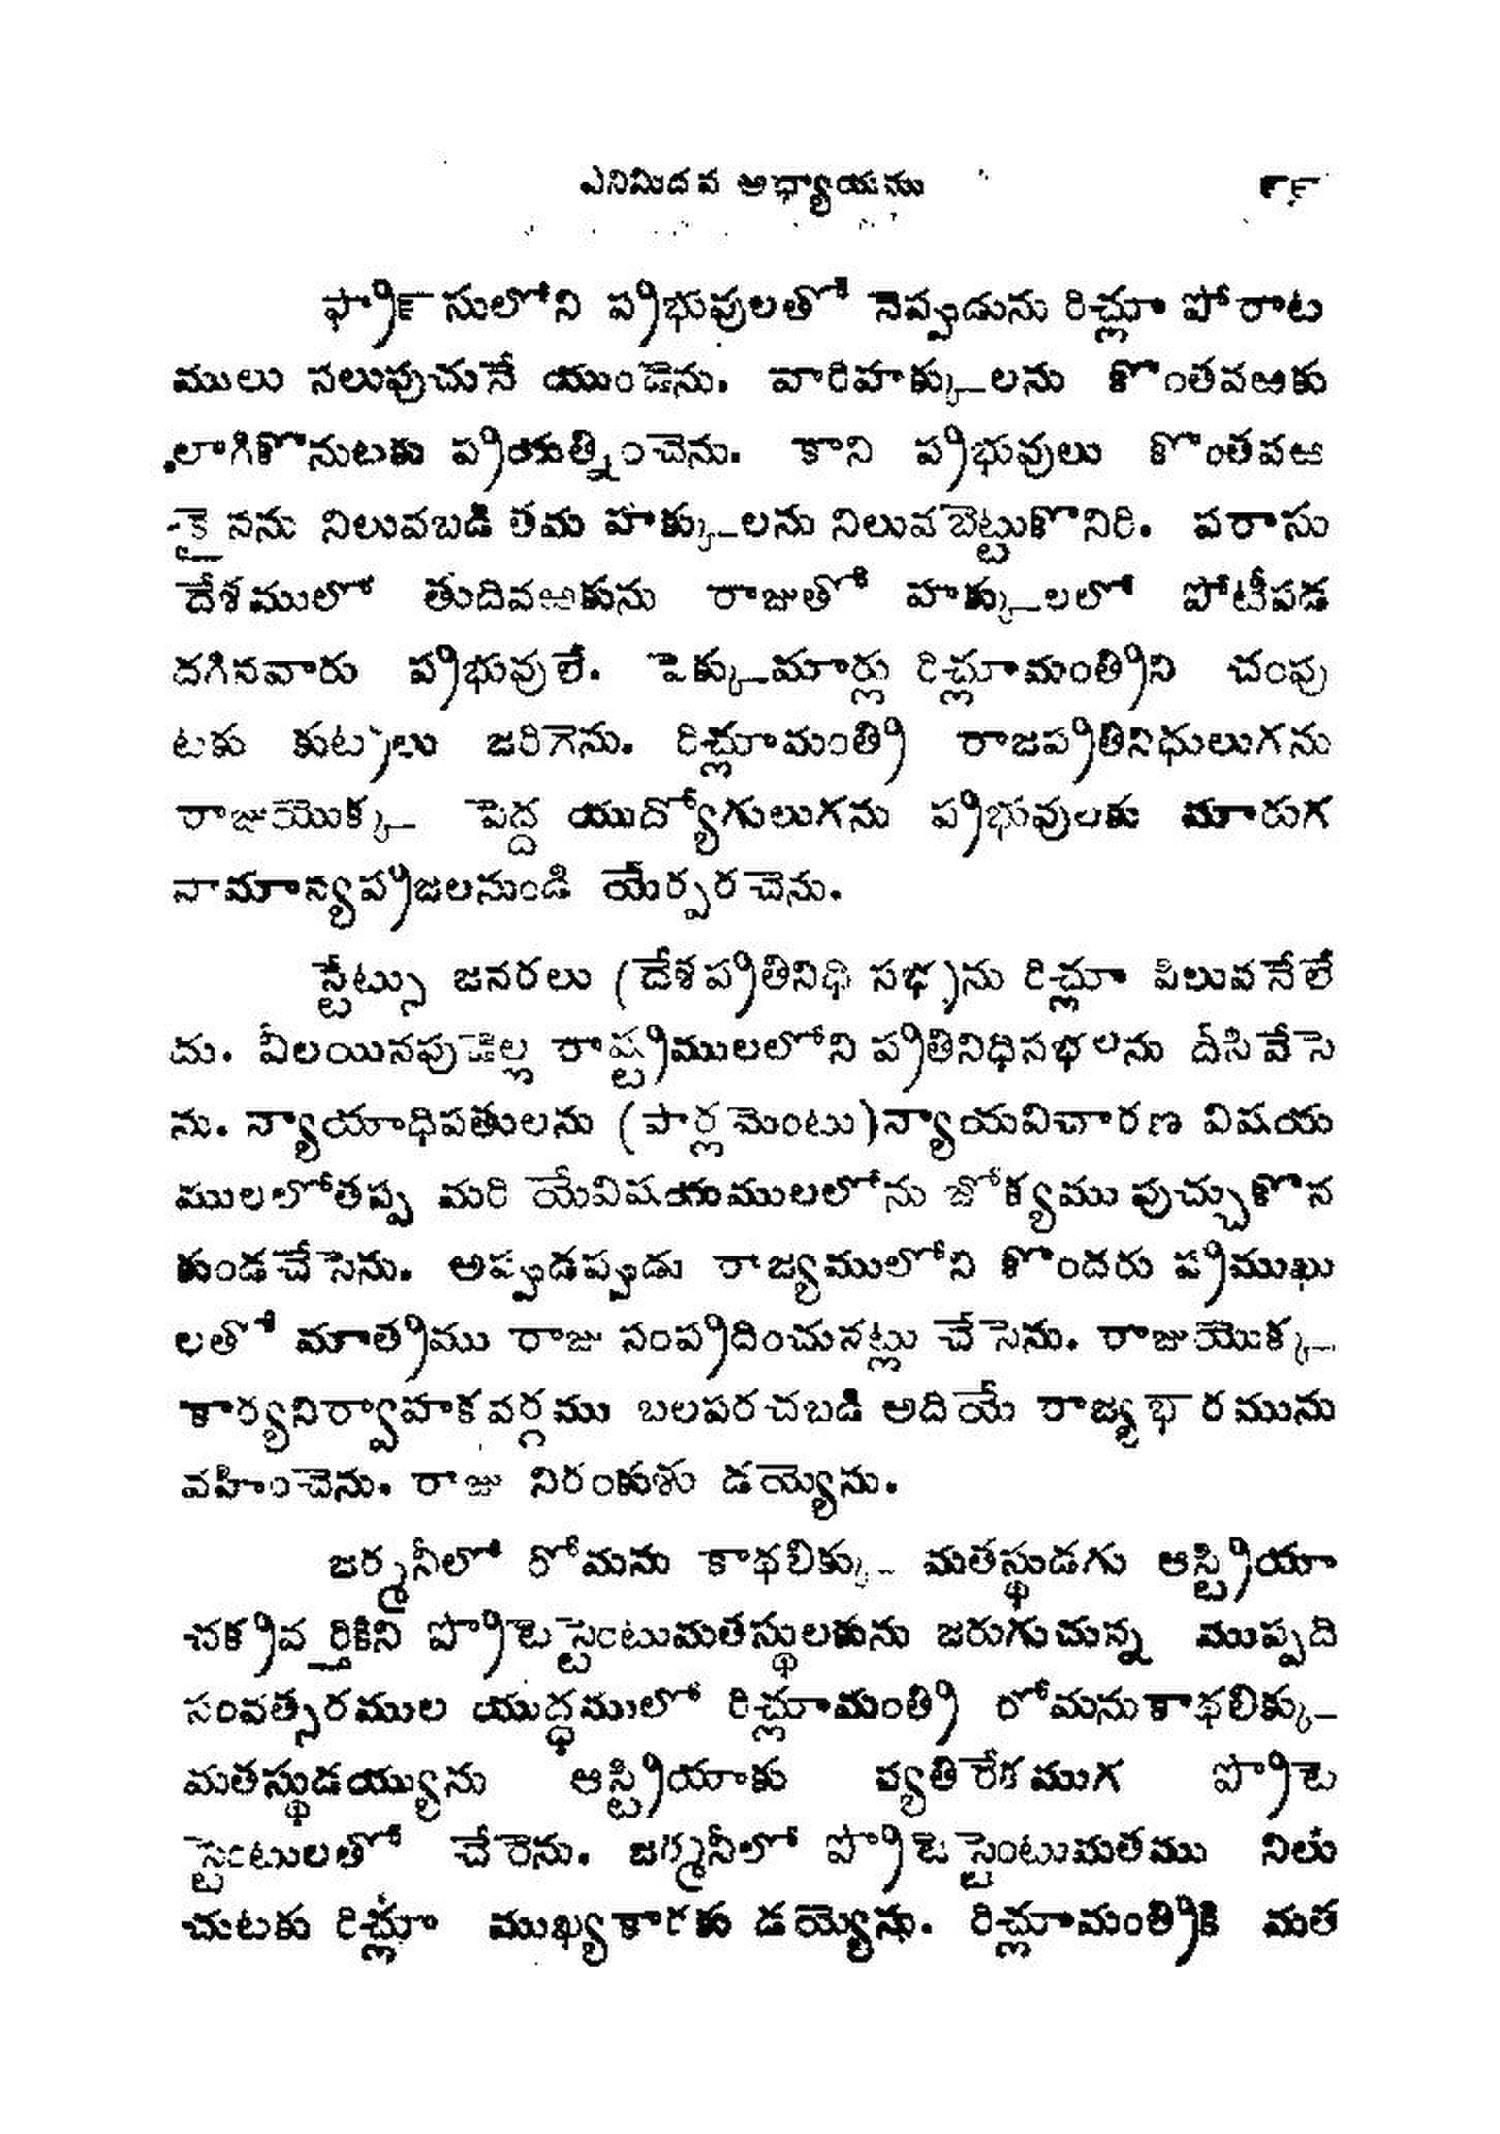ఫ్రాన్సు లోని ప్రభువులతో నెప్పుడును రిచ్లూ పోరాట
ములు సలుపుచునే యుండెను. వారి హక్కులను కొంతవఱకు
లాగికొనుటకు ప్రయత్నించెను. కాని ప్రభువులు కొంతపఱ
కై నను నిలువబడి తమ హక్కులను నిలువ బెట్టుకొనిరి. పరాసు
దేశములో తుదివ ఱకును రాజుతో హక్కులలో పోటీపడ
దగినవారు ప్రభువులే. 'పెక్కు మార్లు రిచ్లూ మంత్రిని చంపు
టకు కుట్రలు జరిగెను. రిచ్లూమంత్రి రాజప్రతినిధులుగను
రాజు యొక్క పెద్ద యుద్యోగులుగను ప్రభువులకు మారుగ
సామాన్య ప్రజల నుండి యేర్పరచెను.

స్టేట్సు జనరలు (దేశ ప్రతినిధి సభ)ను రిచ్లూ పిలువనేలేదు.
వీలయినపుడెల్ల రాష్ట్రములలోని ప్రతినిధి సభలను దీసి వేసెను.
న్యాయాధిపతులను (పార్లమెంటు) న్యాయవిచారణ విషయ
ములలో తప్ప మరి యేవిషయముల లోను జోక్యము పుచ్చుకొన
కుండ చేసెను. అప్పుడప్పుడు రాజ్యములోని కొందరు ప్రముఖు
లతో మాత్రము రాజు సంప్రదించునట్లు చేసెను. రాజు యొక్క
కార్యనిర్వాహక వర్గము బలపరచబడి అదియే రాజ్య భారమును
వహించెను. రాజు నిరంకుశు డయ్యెను.

జర్మనీలో రోమను కాథలిక్కు - మతస్థుడగు ఆస్ట్రియా
చక్రవర్తికిని ప్రొటస్టెంటు మతస్థులకును జరుగుచున్న ముప్పది
సంవత్సరముల యుద్ధములో రిచ్లూ మంత్రి రోమను కాథలిక్కు-
మతస్థుడయ్యును ఆస్ట్రియాకు వ్యతిరేకముగ ప్రొటె
స్టెంటులతో చేరెను. జర్మనీలో ప్రొటస్టెంటు మతము నిలు
చుటకు రిచ్లూ ముఖ్య కారకుడయ్యెసు. రిచ్లూమంత్రికి మత